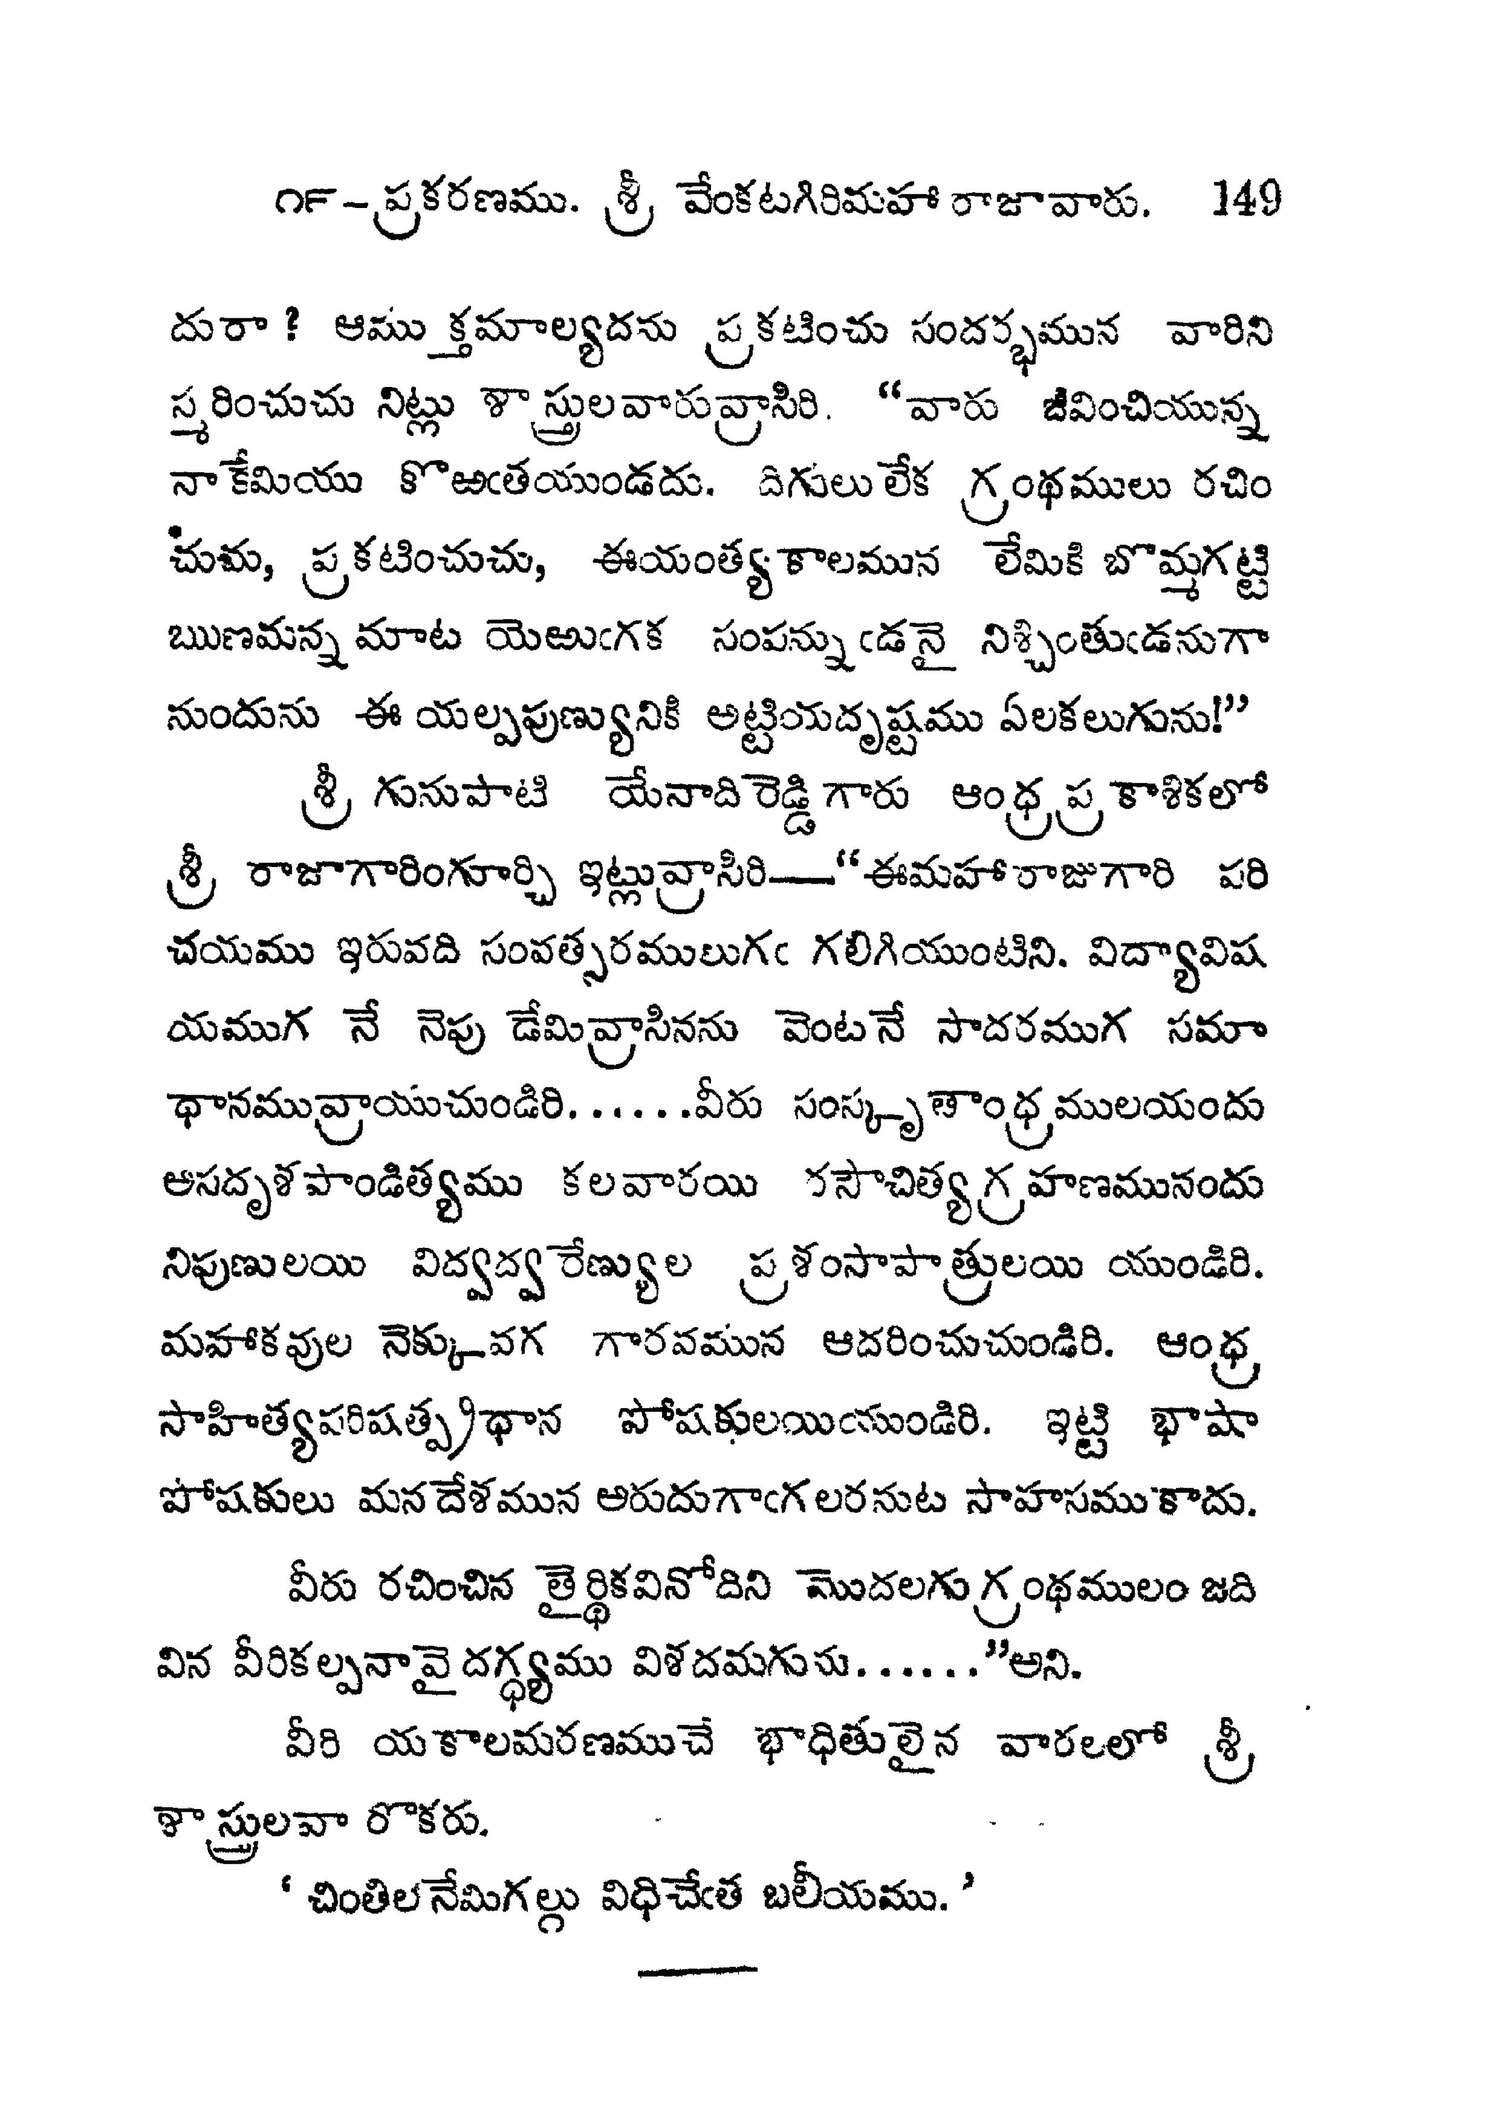దురా ? ఆముక్తమాల్యదను ప్రకటించు సందర్భమున వారిని స్మరించుచు నిట్లు శాస్త్రులవారువ్రాసిరి. "వారు జీవించియున్న నాకేమియు కొఱతయుండదు. దిగులులేక గ్రంథములు రచించుచు, ప్రకటించుచు, ఈయంత్యకాలమున లేమికి బొమ్మగట్టి ఋణమన్న మాట యెఱుగక సంపన్నుడనై నిశ్చింతుడనుగా నుందును. ఈ యల్పపుణ్యునికి అట్టియదృష్టము ఏలకలుగును!"

శ్రీ గునుపాటి యేనాదిరెడ్డి గారు ఆంధ్రప్రకాశికలో శ్రీ రాజాగారింగూర్చి ఇట్లువ్రాసిరి - "ఈమహారాజుగారి పరిచయము ఇరువది సంవత్సరములుగ గలిగియుంటిని. విద్యావిషయముగ నే నెపు డేమివ్రాసినను వెంటనే సాదరముగా సమాథానము వ్రాయుచుండిరి .....వీరు సంస్కృతాంధ్రములయందు అసదృశపాండిత్యము కలవారయి రసౌచిత్యగ్రహణమునందు నిపుణులయి విద్వద్వరేణ్యుల ప్రశంసాపాత్రులయి యుండిరి. మహాకవుల నెక్కువగ గారవమున ఆదరించుచుండిరి. ఆంధ్రసాహిత్య పరిషత్ప్రథాన పోషకులయియుండిరి. ఇట్టి భాషాపోషకులు మనదేశమున అరుదుగాగలరనుట సాహసముకాదు.

వీరు రచించిన తైర్థికవినోదిని మొదలగు గ్రంథములం జదివిన వీరికల్పనావైదగ్ధ్యము విశదమగును....."అని.

వీరి యకాలమరణముచే భాధితులైన వారలలో శ్రీ శాస్త్రులవా రొకరు.

 'చింతిలనేమిగల్గు విధిచేత బలీయము.'

____________